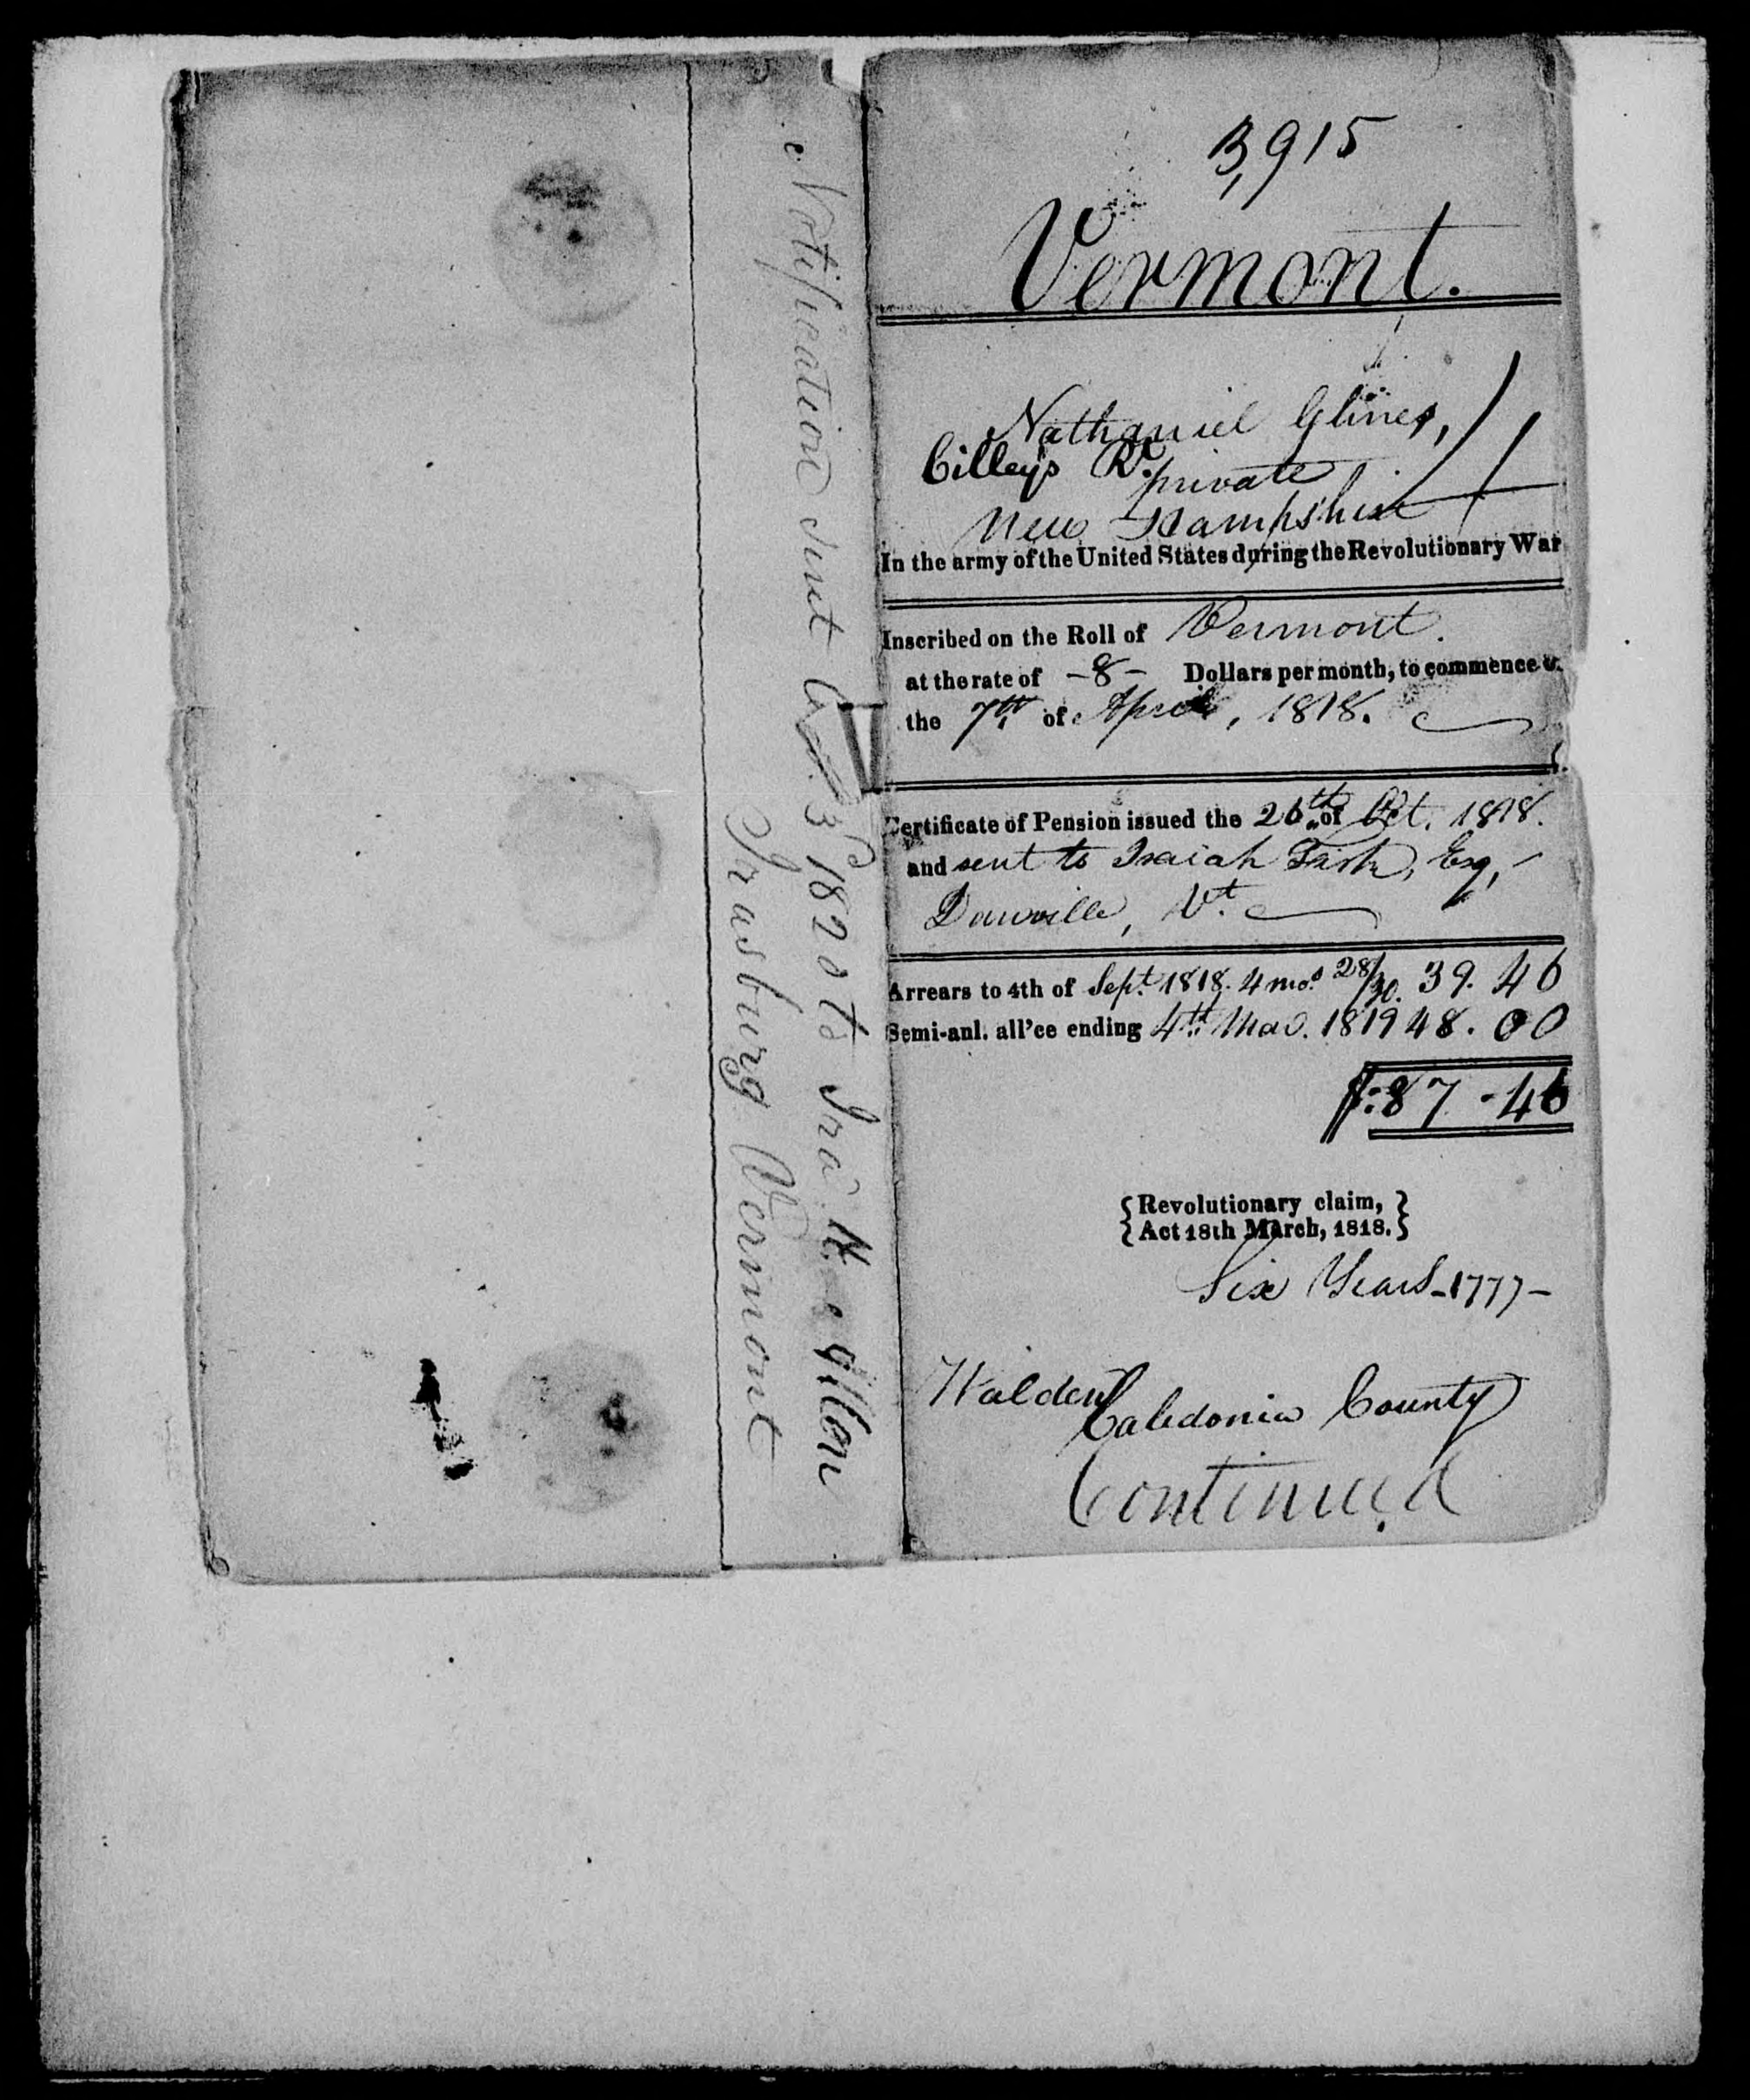3,915
Vermont.
Nathanial Glines
Cilley's Rt.
private
New Hampshire
In the army of the United States during the Revolutionary War
Inscribed on the Roll of Vermont
at the rate of 8 Dollars per month, to commence
the 7th of April, 1818.
Certificate of Pension issued the 26th of Oct. 1818
and sent to Isaiah Fisk, Esq.
Danville, Vt.
Arrears to 4th of Sept. 1818 4 mos. 28/30 39.46
Semi-anl. all'ce ending 4th Mar. 1819 48.00
$87.46
Revolutionary Claim
Act 18th March, 1818.
Six years 1777
Walden Caledonia County
Continued
Notification sent [illegible] 3 1820 to Ira H. Allen
Irasburg Vermont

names: Nathaniel Glines, Isaiah Fisk, Ira H Allen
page: 2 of 29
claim: widow's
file: W. 24,282, Nathaniel Glines, N.H.